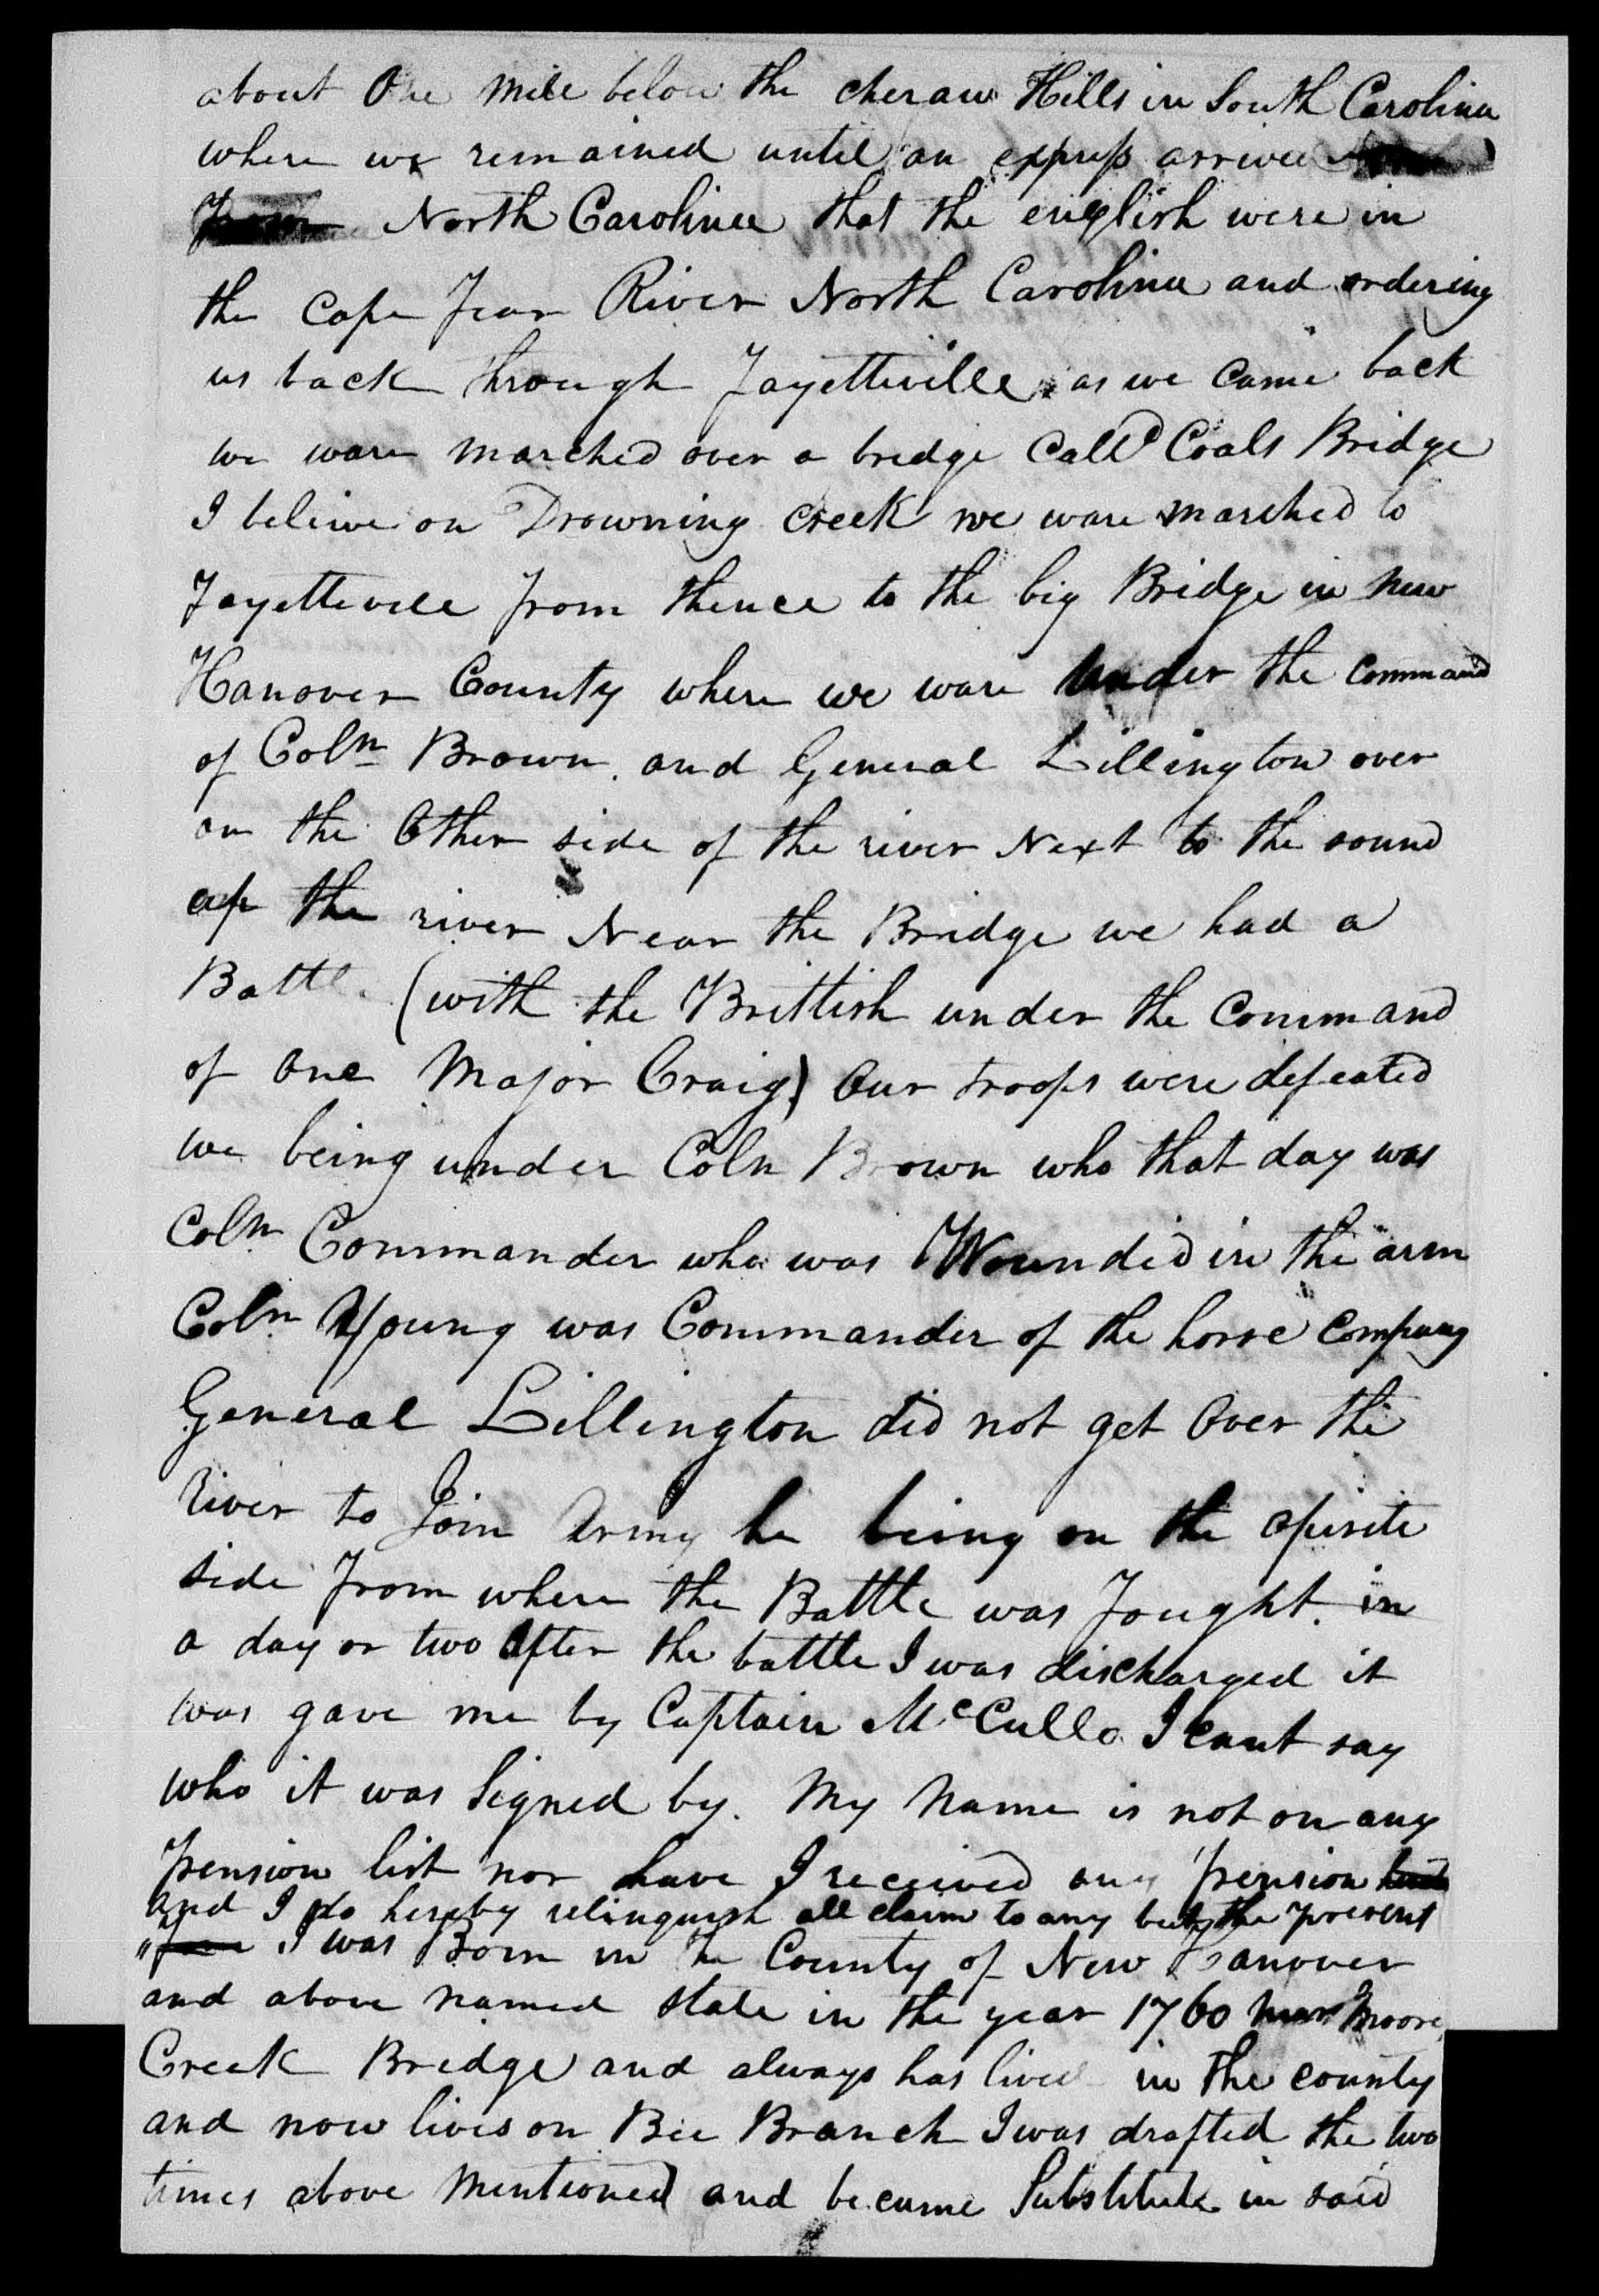about One Mile below the Cheraw Hills in South Carolina where we remained until express arrived [smudge] North Carolina that the english were in the Cape Fear River North Carolina and ordering us back through Fayetteville.  As we came back we was marched over a bridge called Coals Bridge.  I believe on Drowning Creek.  We was marched to Fayetteville from thence to the Big Bridge in New Hanover County where we were under the command of Colonel Brown and General Lillington over on the other side of the river next to the sound of the river Near the Bridge we had a Battle. (with the British under the Command of one Major Craig)  Our troops were defeated. We being under Colonel Brown who that day was Colonel Commander who was Wounded in the war.  Colonel Young was Commander of the horse Company.  General Lillington did not get over the river to join Army, he being on the opposite side from where the Battle was Fought.  In a day or two after the Battle I was discharged.  It was gave me by Captain McCullo.  I can't say who it was signed by.  My name is not on any pensions list nor have I received any pension and I hereby relinquish all claim to any but the present.  I was born in the County of New Hanover and above named state in the year 1760 near Moore's Creek Bridge and always has lived in the county and now live on the Bee Branch.  I was drafted the two times above mentioned and became substitute in said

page: 6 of 9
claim: survivor's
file: S. 9,399, for James Malpass, North Carolina